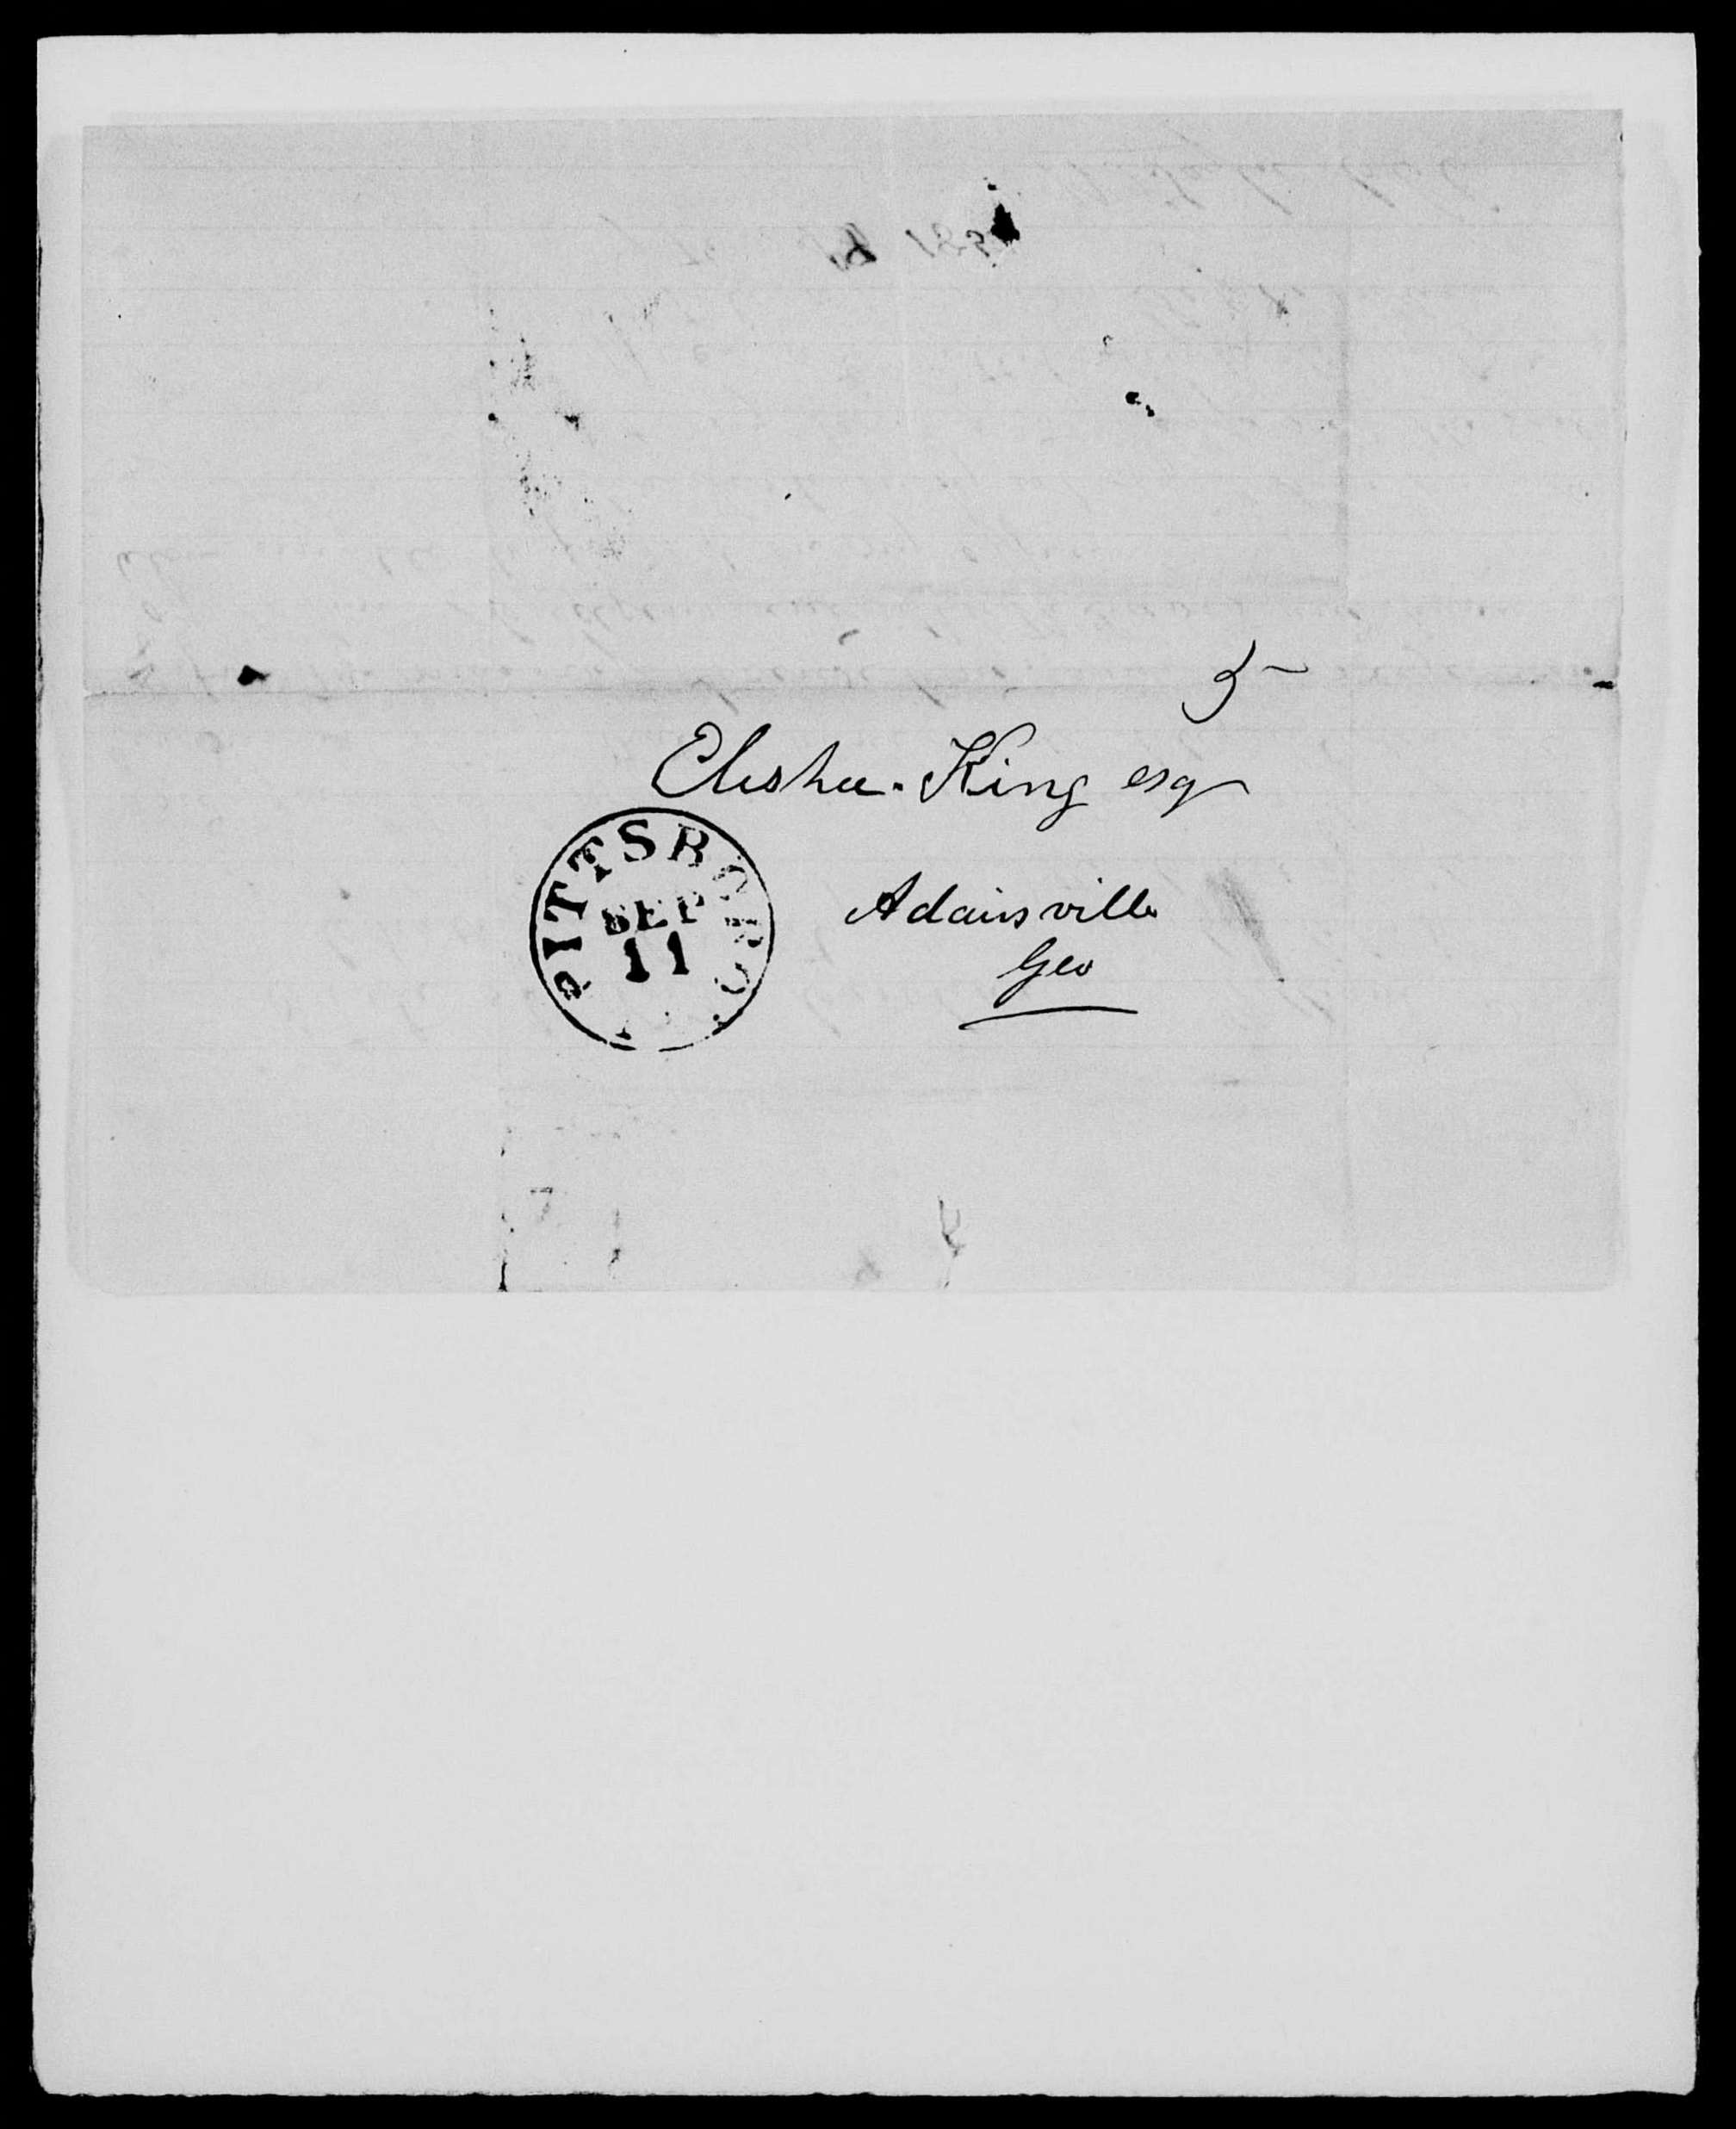Elisha King esq
Adainsville
Geo

Stamp shows Pittsburgh Sep 11, date is not legible after that.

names: Elisha King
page: 60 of 108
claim: rejected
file: R. 7,515, John Hudgins, N.C.